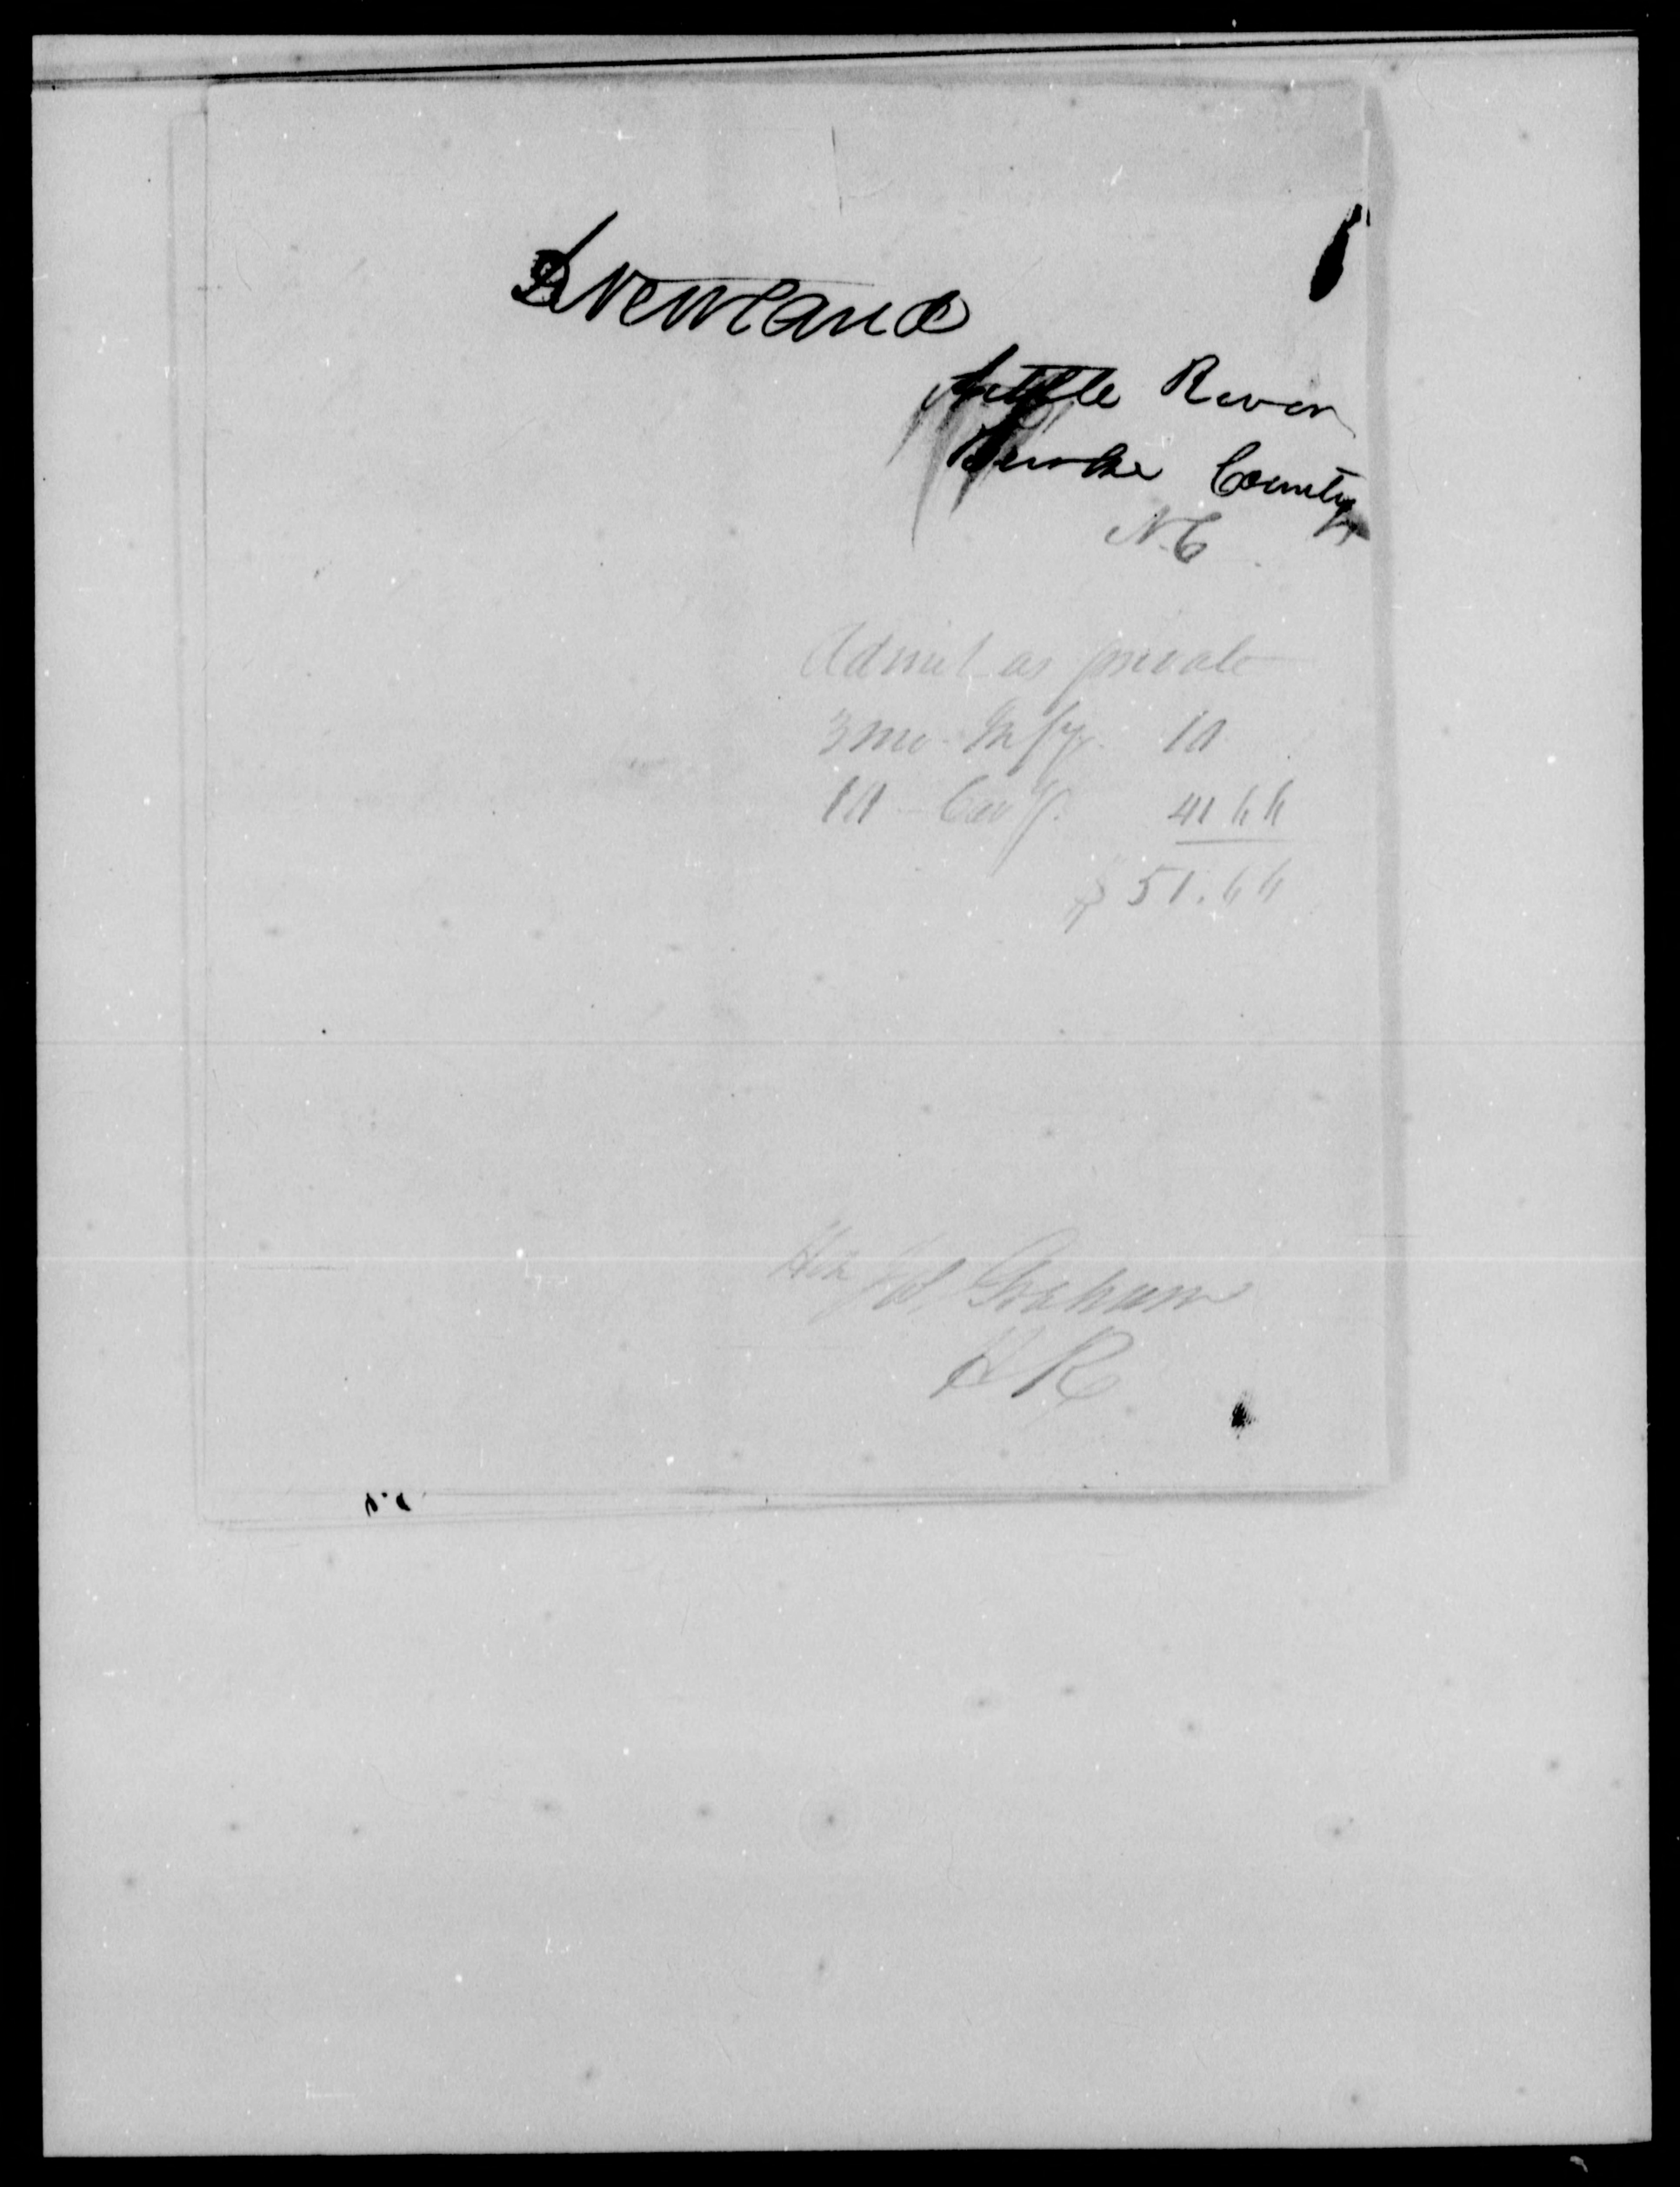[illegible]
Little River
Burke County
N C
Admit as private
3 Mo. July 10.
[illegible]  41.66
-               51.66
Hon. Jas. Graham
H R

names: Jas Graham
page: 5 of 63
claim: widow's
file: W. 6158, for Benjamin Spencer, North Carolina